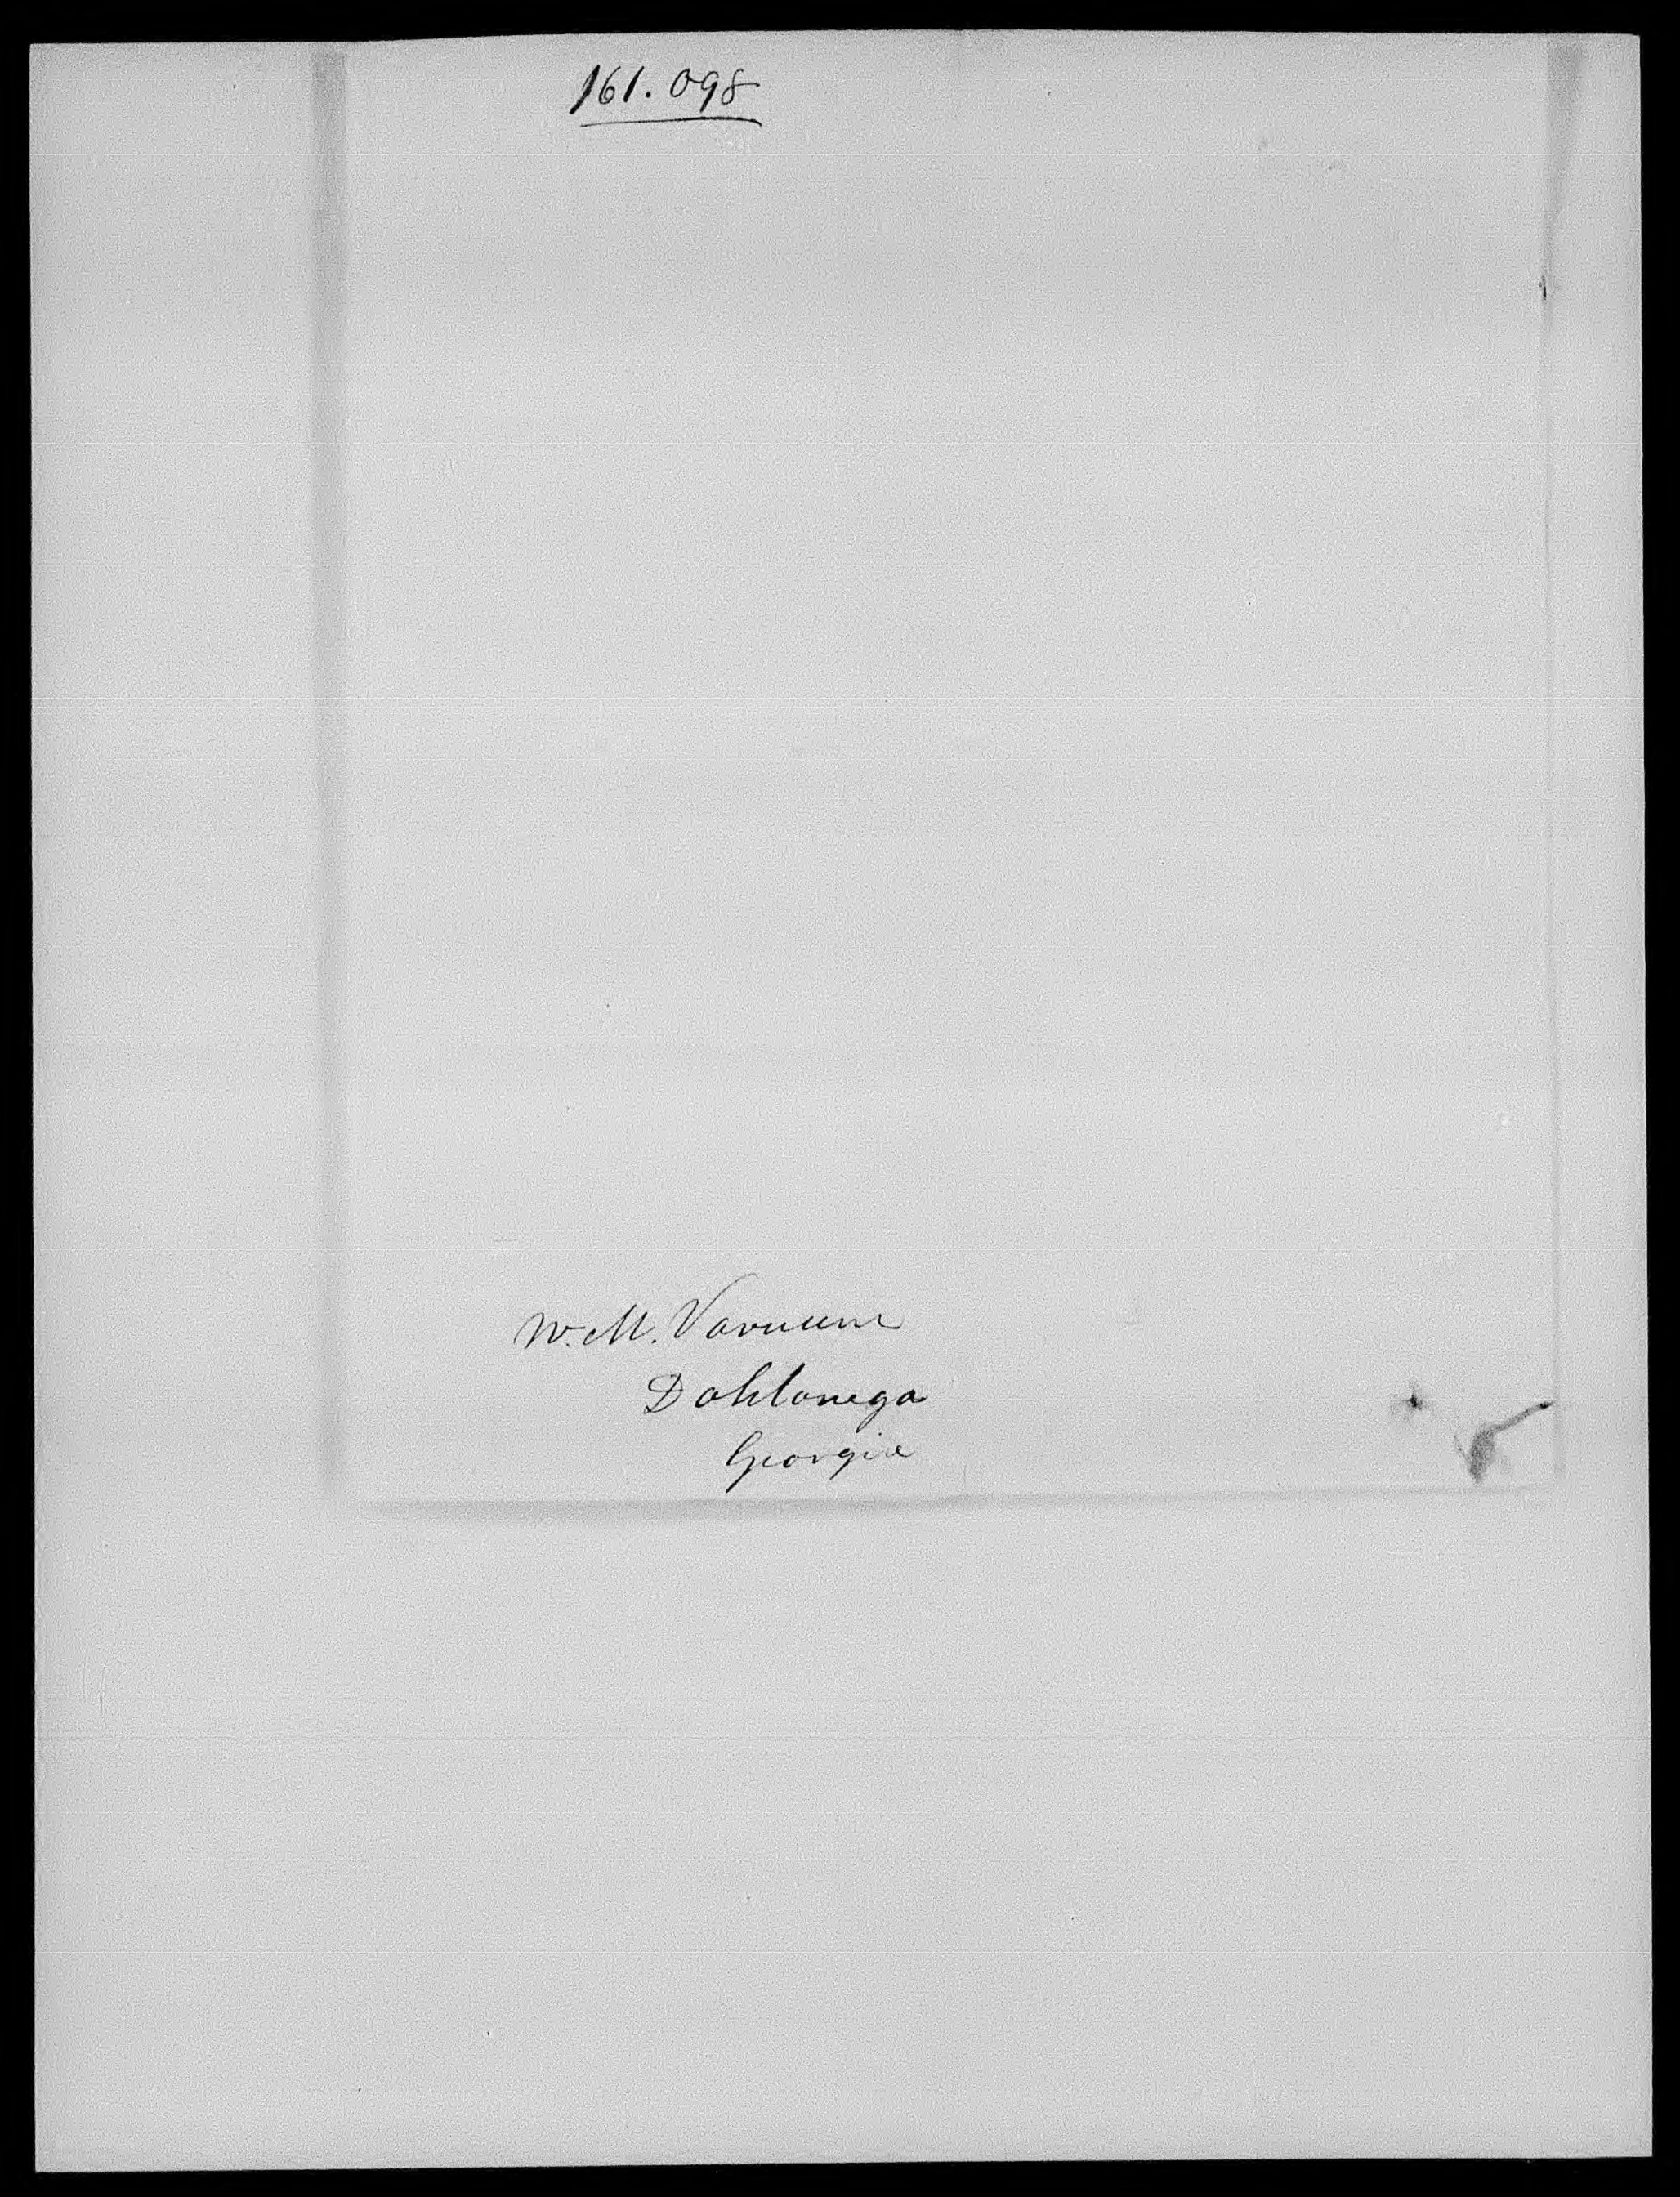161.098
W. M. Varnum
Dahlonega
Georgia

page: 16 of 55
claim: widow's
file: W. 7894, for John Jenkins, Virginia